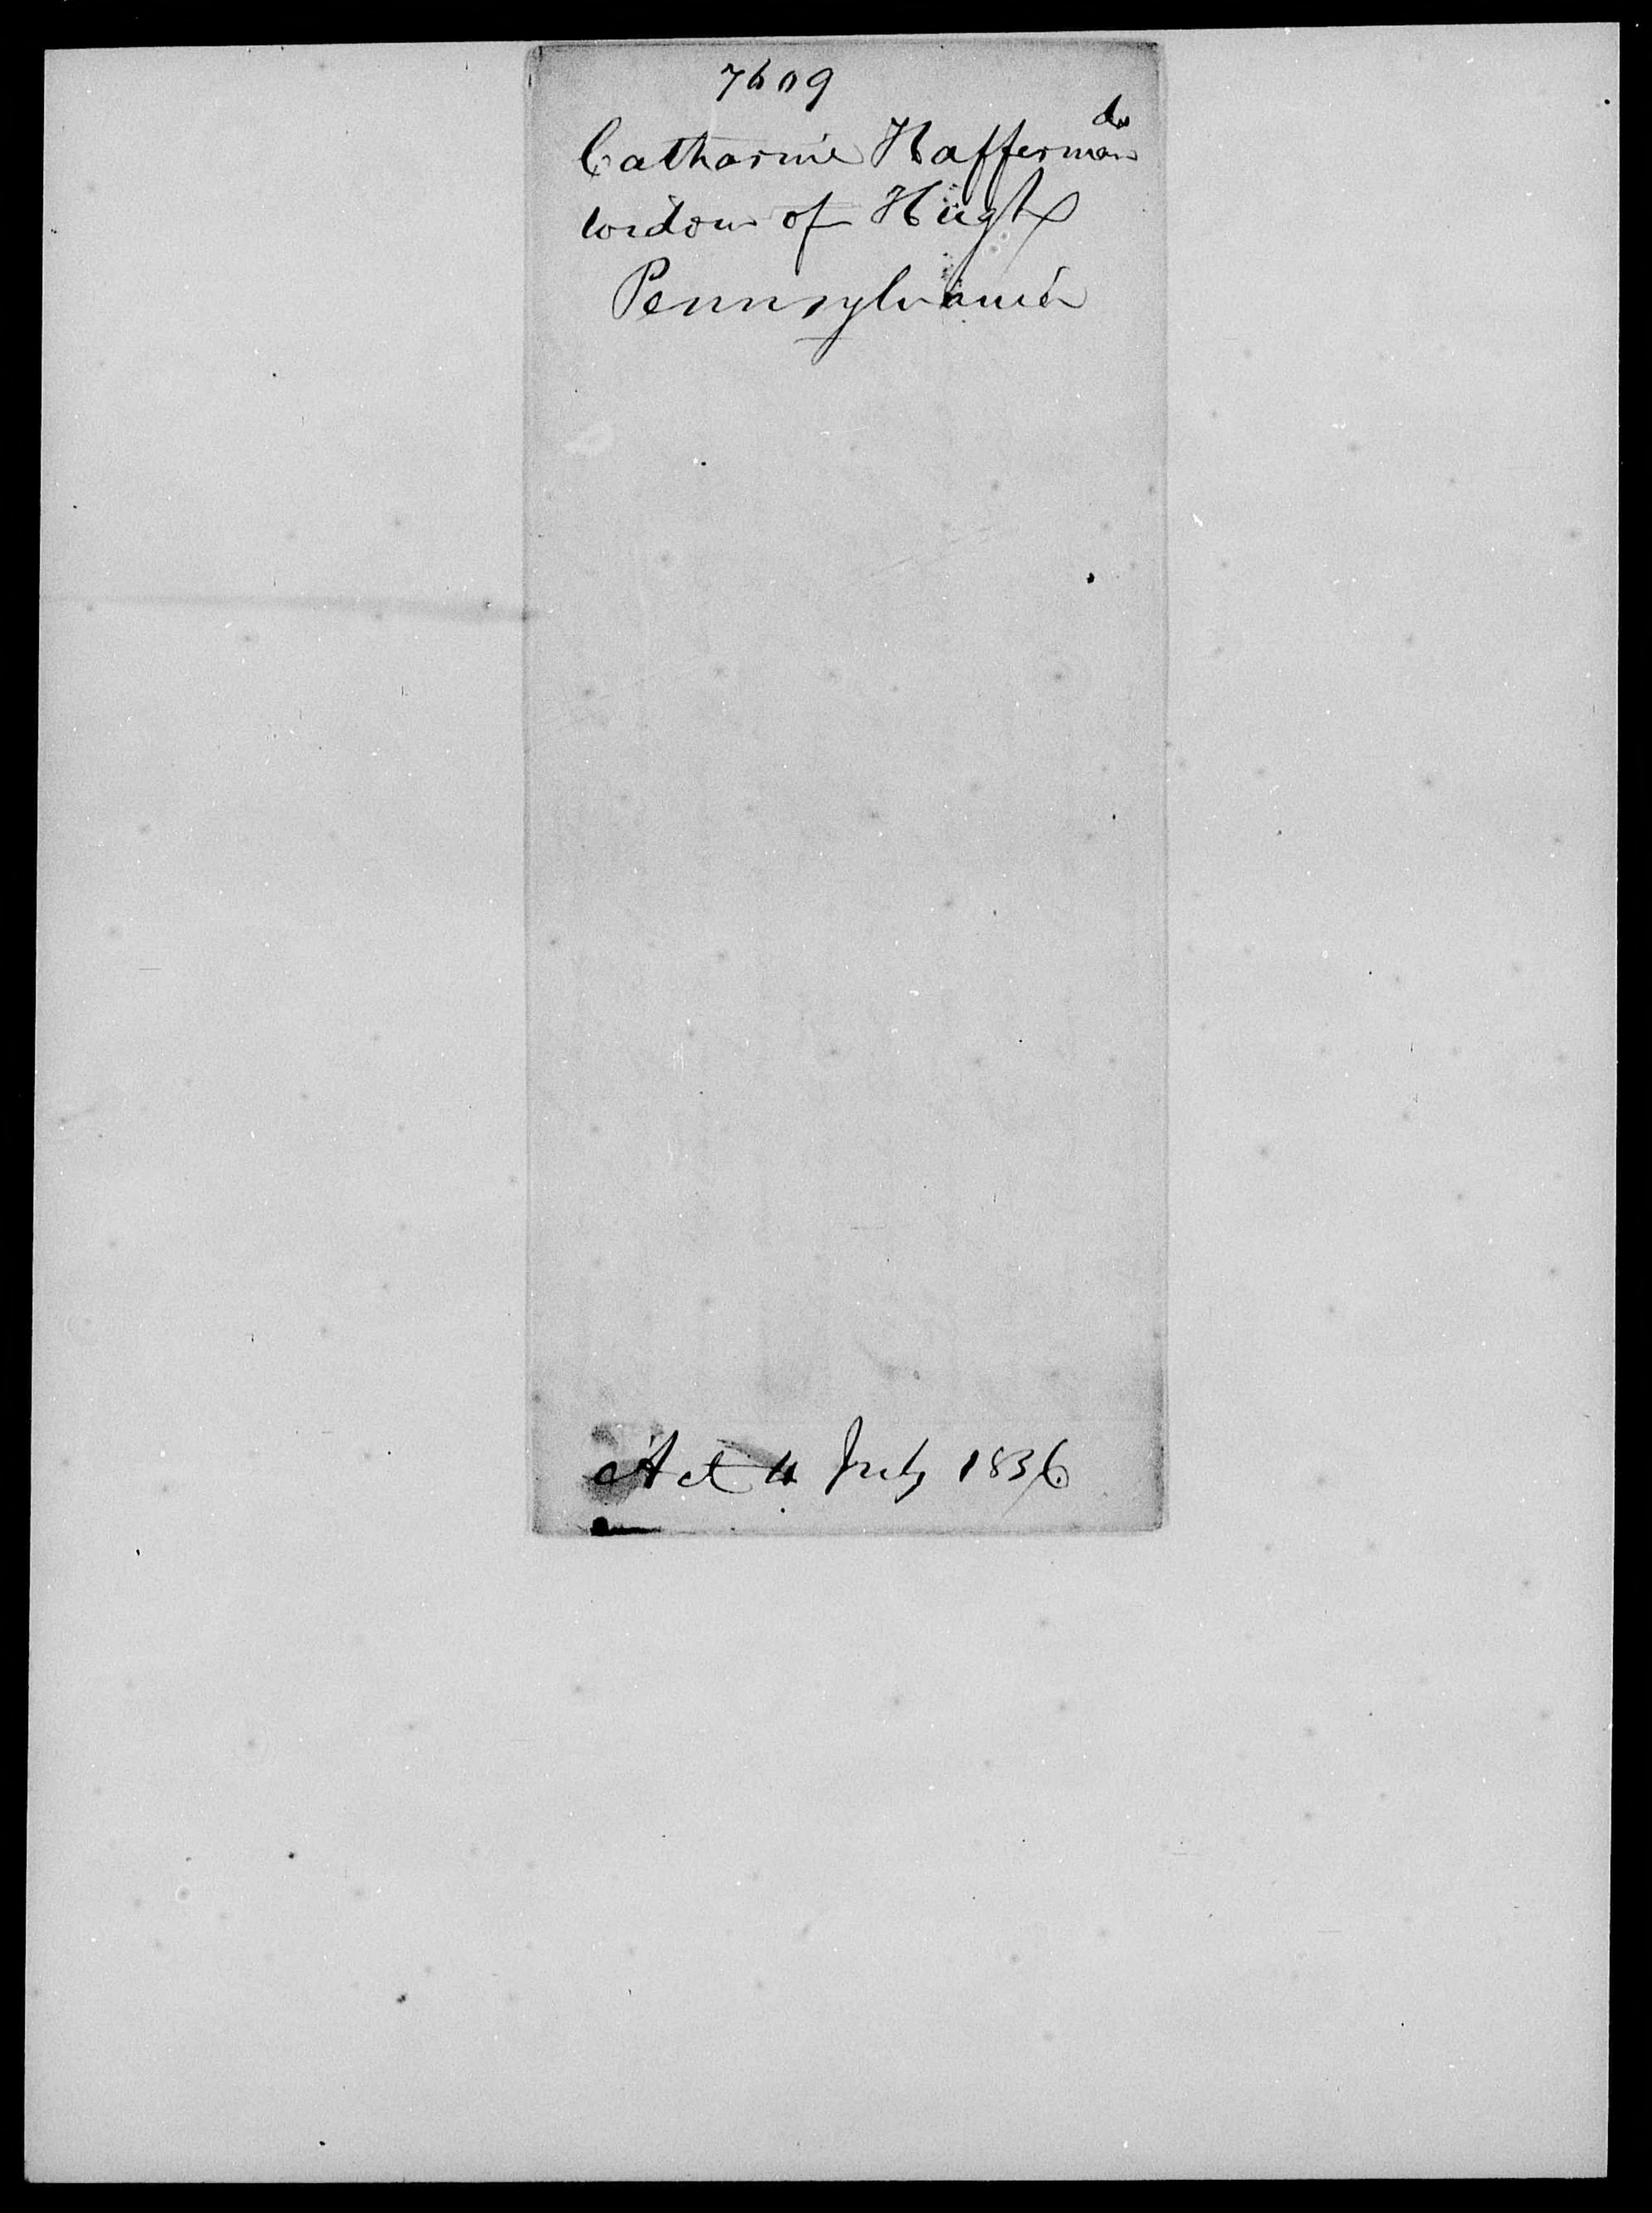7609
Catherine Haffernan
widow of Hugh
Pennsylvania

Act of July 1836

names: Hugh Hafferman, Catharine Hafferman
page: 10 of 21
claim: rejected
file: R. 4419, Hugh Haffernan, Penn.